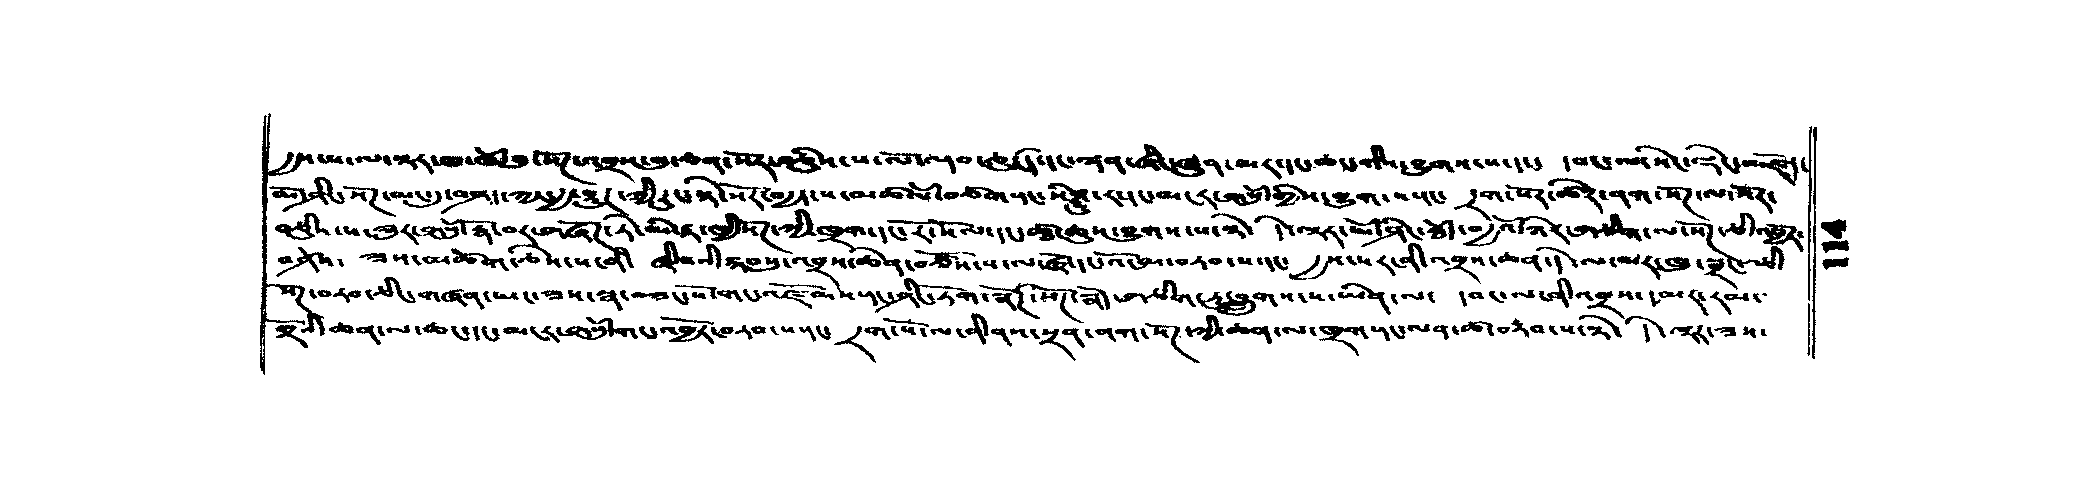རྒྱས་པ་ལ་སྟར་ཁ་ཁམ་བུ་སོགས་འབྲས་བུ་ཅན་སོར་བཅུ་གཉིས་པ་ལོ་འདབ་ཅུང་ཟད་དང་ལྡན་ཞིང་ཞུན་མར་དང་ཆང་གིས་བྱུག་པ་དང་། དབང་ལ་སེང་ལྡེང་མཛོད་
མོ་ཤིང་སོགས་མང་དུ་བཤད་ཀྱང་རྒྱ་ཤུགས་ཀྱི་རུང་ལ་སྟེ་སོར་བརྒྱད་པ་མཚལ་ལམ་བཙགས་དང་སིནྡྷུ་ར་དང་མངར་གསུམ་གྱིས་བྱུག་པ་དང་། དྲག་པོར་ཚེར་ནག་སོགས་ལ་སོར་
བཅུ་གཉིས་པ་ཟུར་གསུམ་རྣོ་བར་གཞོགས་ཏེ་མི་རྟ་ཁྱི་སོགས་ཀྱི་ཁྲག་དང་རོ་སོལ་དང་ཚྭ་ཆུས་བྱུགས་པ་སྟེ། དེ་ལྟར་ཡམ་ཤིང་ཐམས་ཅད་བརྒྱའམ་ཉེར་གཅིག་ལ་སོགས་ཅི་འབྱོར་
བཤམས། ཟས་མཆོག་ཅེས་པ་ནི། ཞི་བའི་སྐབས་སུ་འབྲས་ཆན་བཙོས་པ་ལ་ཞོ་དང་འོ་མ་བཏབ་པ་དང་། རྒྱས་པར་ནི་འབྲས་ཆན་དེ་ལ་མར་ཁུ་སྦྲང་རྩི་སོགས་བཏབ་ཅིང་
གཞན་ཡང་ཟས་སྣ་བཟང་པོ་གང་འཛོམས་དང་ཤིང་ཏོག་སོགས་སྣོད་གཅིག་ཏུ་བླུག་པ་ཡིན་ལ། དབང་ལ་ནི་འབྲས་དམར་རམ་
གྲོའི་ཆན་ལ་ཆང་དང་མངར་གསུམ་གང་འབྱོར་བཏབ་པ་དང་། དྲག་པོ་ལ་ནི་ནས་སྲན་ནག་སོགས་ཀྱི་ཆན་ལ་ཁྲག་དང་ལན་ཚ་བཏབ་པ་སྟེ། དེ་ལྟར་ཟས་